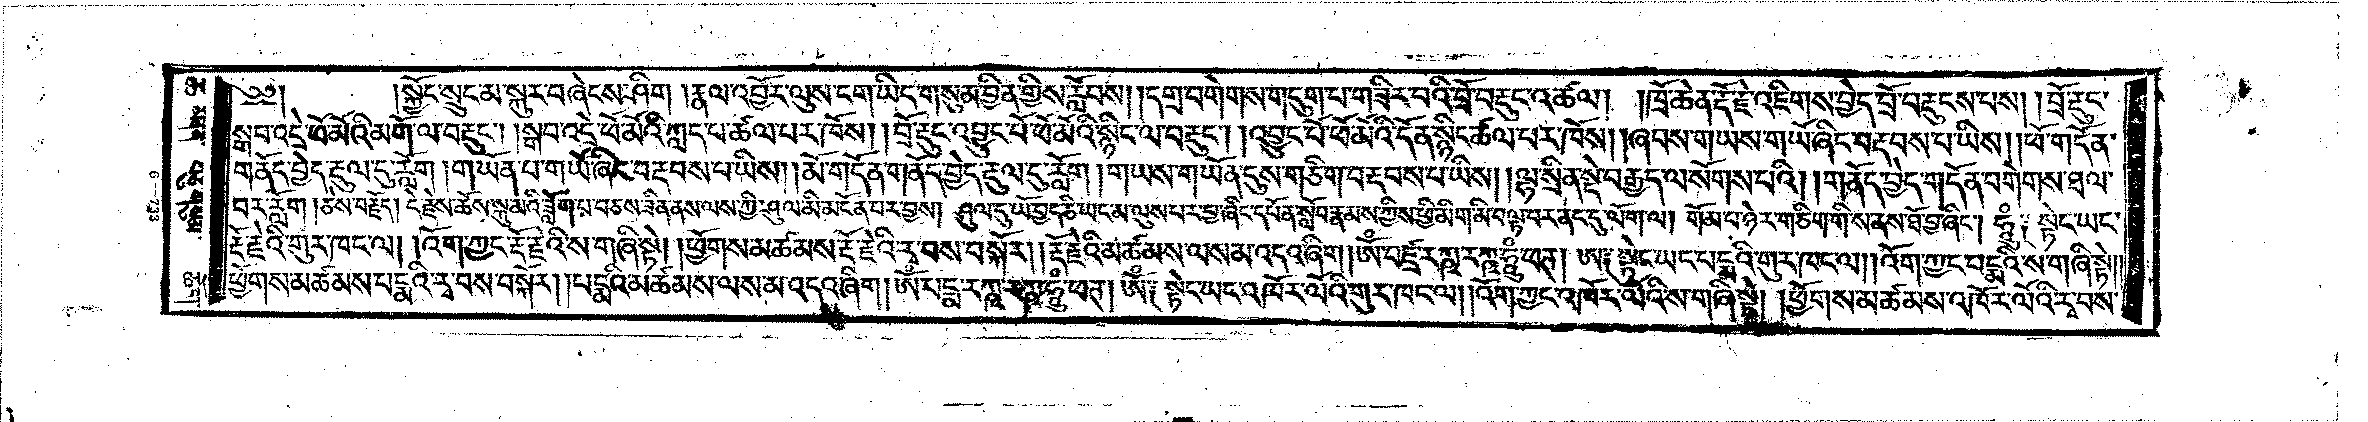༄༅། །སྐྱོང་སྲུང་མ་སྐུར་བཞེངས་ཤིག །རྣལ་འབྱོར་ལུས་ངག་ཡིད་གསུམ་བྱིན་གྱིས་རློབས། །དགྲ་བགེགས་གདུག་པ་གཟིར་བའི་བྲོ་བརྡུང་འཚལ། །ཁྲོ་ཆེན་རྡོ་རྗེ་འཇིགས་བྱེད་བྲོ་བརྡུངས་པས། །བྲོ་རྡུང་
སྒབ་འདྲེ་ཕོ་མོའི་མགོ་ལ་བརྡུང་། །སྒབ་འདྲེ་ཕོ་མོའི་ཀླད་པ་ཚལ་པར་ཁོས། །བྲོ་རྡུང་འབྱུང་པོ་ཕོ་མོའི་སྙིང་ལ་བརྡུང་། །འབྱུང་པོ་ཕོ་མོའི་དོན་སྙིང་ཚལ་པར་ཁོས། །ཞབས་གཡས་གཡོ་ཞིང་བརྡབས་པ་ཡིས། །ཕོ་གདོན་
གནོད་བྱེད་རྡུལ་དུ་རློག །གཡོན་པ་གཡོ་ཞིང་བརྡབས་པ་ཡིས། །མོ་གདོན་གནོད་བྱེད་རྡུལ་དུ་རློག །གཡས་གཡོན་དུས་གཅིག་བརྡབས་པ་ཡིས། །ལྷ་སྲིན་སྡེ་བརྒྱད་ལ་སོགས་པའི། །གནོད་བྱེད་གདོན་བགེགས་ཐལ་
བར་རློག་།ཅེས་བརྗོད། དེ་རྗེས་ཆོས་སྐུ་མའི་ཟློག་པ་བཅས་ཟིན་ནས་ལས་ཀྱི་ཤུལ་མི་མངོན་པར་བྱས།  ཤུལ་དུ་ཡོ་བྱད་ཅི་ཡང་མ་ལུས་པར་བྱ་ཞིང་དཔོན་སློབ་རྣམས་ཀྱིས་ཕྱི་མིག་མི་བལྟ་བར་ནང་དུ་ལོག་ལ། གོམ་པ་ཉེར་གཅིག་གིས་ནས་ཐོ་བྱ་ཞིང་། ཧཱུཾ༑ སྟེང་ཡང་
རྡོ་རྗེའི་གུར་ཁང་ལ། །འོག་ཀྱང་རྡོ་རྗེའི་ས་གཞི་སྟེ། །ཕྱོགས་མཚམས་རྡོ་རྗེའི་རྭ་བས་བསྐོར། །རྡོ་རྗེའི་མཚམས་ལས་མ་འདའ་ཞིག། །ཨོཾ་བཛྲ་རཀྵ་རཀྵ་ཧཱུཾ་ཕཊ། ཨ༑ སྟེང་ཡང་པདམའི་གུར་ཁང་ལ། །འོག་ཀྱང་པདམའི་ས་གཞི་སྟེ།
ཕྱོགས་མཚམས་པདམའི་རྭ་བས་བསྐོར། །པདམའི་མཚམས་ལས་མ་འདའ་ཞིག །ཨོཾ་པདམ་རཀྵ་རཀྵ་ཧཱུཾ་ཕཊ། ཨོཾ༑ སྟེང་ཡང་འཁོར་ལོའི་གུར་ཁང་ལ། །འོག་ཀྱང་འཁོར་ལོའི་ས་གཞི་སྟེ། །ཕྱོགས་མཚམས་འཁོར་ལོའི་རྭ་བས་